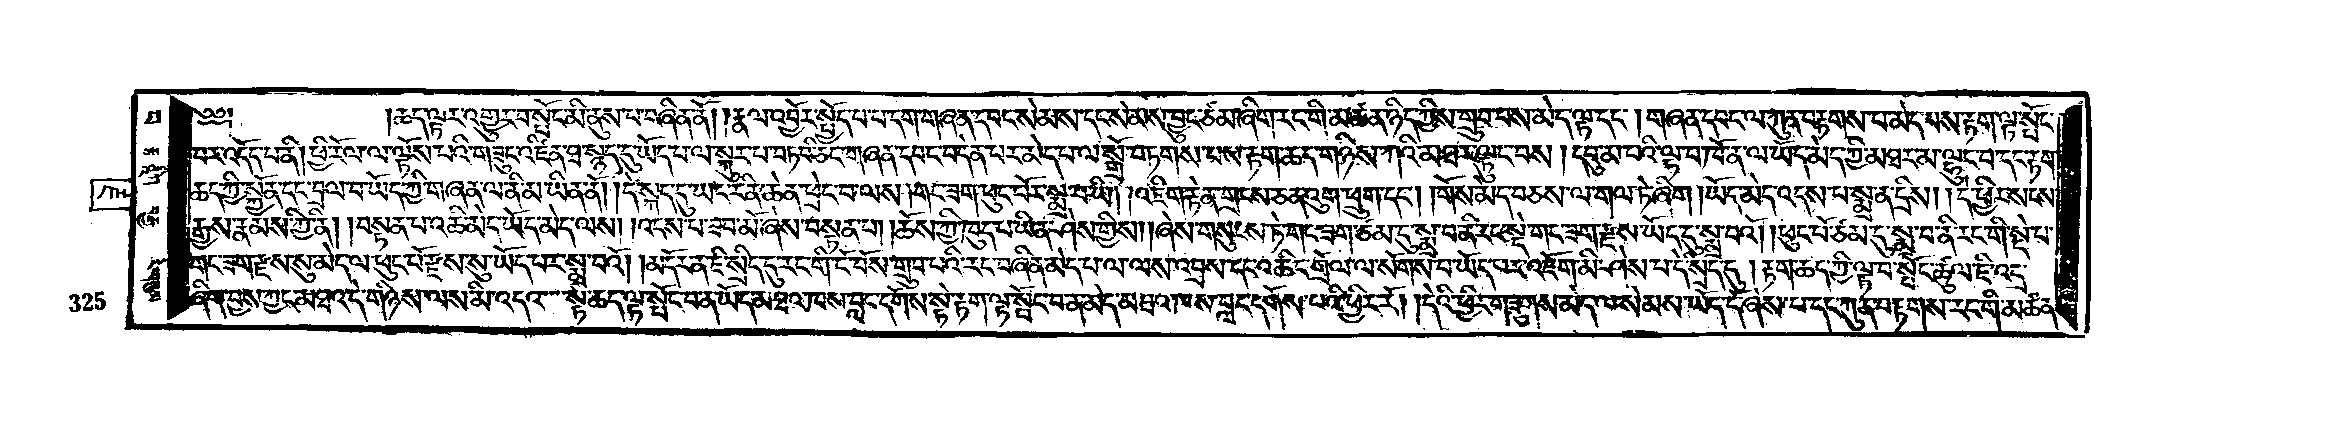༄༅། །ཆད་ལྟར་འགྱུར་བ་སྤོང་མི་ནུས་པ་བཞིན་ནོ། །རྣལ་འབྱོར་སྤྱོད་པ་པ་དག་གཞན་དབང་སེམས་དང་སེམས་བྱུང་ཙམ་ཞིག་རང་གི་མཚན་ཉིད་ཀྱིས་གྲུབ་པས་མེད་ལྟ་དང་། གཞན་དབང་ལ་ཀུན་བརྟགས་པ་མེད་པས་རྟག་ལྟ་སྤོང་
བར་འདོད་པ་ནི། ཕྱི་རོལ་ལ་ལྟོས་པའི་གཟུང་འཛིན་ཐ་སྙད་དུ་ཡོད་པ་ལ་སྐུར་བ་བཏབ་ཅིང་གཞན་དབང་བདེན་པར་མེད་པ་ལ་སྒྲོ་བཏགས་པས་རྟག་ཆད་གཉིས་ཀའི་མཐར་ལྟུང་བས། དབུ་མ་པའི་ལྟ་བ་ཁོ་ན་ལ་ཡོད་མེད་ཀྱི་མཐར་མ་ལྷུང་བ་དང་རྟག་
ཆད་ཀྱི་སྐྱོན་དང་བྲལ་བ་ཡོད་ཀྱི་གཞན་ལ་ནི་མ་ཡིན་ནོ། །དེ་སྐད་དུ་ཡང་རིན་ཆེན་ཕྲེང་བ་ལས། གང་ཟག་ཕུང་པོར་སྨྲ་བ་ཡི། །འཇིག་རྟེན་གྲངས་ཅན་འུག་ཕྲུག་དང་། །གོས་མེད་བཅས་ལ་གལ་ཏེ་ཞིག །ཡོད་མེད་འདས་པ་སྨྲ་ན་དྲིས། །དེ་ཕྱིར་སངས་
རྒྱས་རྣམས་ཀྱི་ནི། །བསྟན་པ་འཆི་མེད་ཡོད་མེད་ལས། །འདས་པ་ཟབ་མོ་ཞེས་བསྟན་པ། །ཆོས་ཀྱི་ཁུད་པ་ཡིན་ཤེས་གྱིས། །ཞེས་གསུངས་ཏེ་གང་ཟག་ཙམ་དུ་སྨྲ་བ་ནི་རང་སྡེ་གང་ཟག་རྫས་ཡོད་དུ་སྨྲ་བའོ། །ཕུང་པོ་ཙམ་དུ་སྨྲ་བ་ནི་རང་གི་སྡེ་པ་
གང་ཟག་རྫས་སུ་མེད་ལ་ཕུང་པོ་རྫས་སུ་ཡོད་པར་སྨྲ་བའོ། །མདོར་ན་ཇི་སྲིད་དུ་རང་གི་ངོ་བོས་གྲུབ་པའི་རང་བཞིན་མེད་པ་ལ་ལས་འབྲས་དང་འཆིང་གྲོལ་ལ་སོགས་པ་ཡོད་པར་འཇོག་མི་ཤེས་པ་དེ་སྲིད་དུ། རྟག་ཆད་ཀྱི་ལྟ་བ་སྤོང་ཚུལ་ཇི་འདྲ་
ཞིག་བྱས་ཀྱང་མཐའ་དེ་གཉིས་ལས་མི་འདའ་སྟི་ཆད་ལྟ་སྤོང་བ་ན་ཡོད་མཐའ་ཁས་བླངས་དགོས་སྟེ་རྟག་ལྟ་སྤོང་བ་ན་མེད་མཐའ་ཁས་བླང་དགོས་པའི་ཕྱིར་རོ། །དེའི་ཕྱིར་གཟུགས་མེད་ལ་སེམས་ཡོད་དོ་ཞེས་པ་དང་ཀུན་བརྟགས་རང་གི་མཚོན་